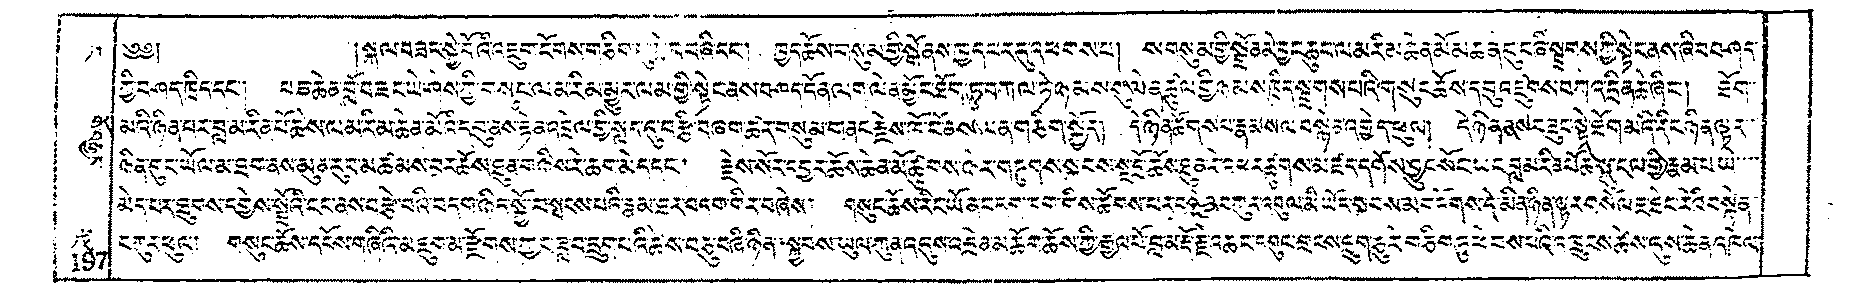༄༅། །སྐལ་བཟང་སྐྱེ་བོའི་འཇུག་ངོགས་གཅིག་པུ་ཆེ་བ་བཞི་དང་། ཁྱད་ཆོས་གསུམ་གྱི་སྒོ་ནས་ཁྱད་པར་དུ་འཕགས་པ། ས་གསུམ་གྱི་སྒྲོན་མེ་བྱང་ཆུབ་ལམ་རིམ་ཆེན་མོ་མཆན་བུ་བཞི་སྦྲགས་ཀྱི་སྟེང་ནས་ཞིབ་བཤད་
ཀྱི་བཤད་ཁྲིད་དང་། པཎ་ཆེན་བློ་བཟང་ཡེ་ཤེས་ཀྱི་གསུང་ལམ་རིམ་མྱུར་ལམ་གྱི་སྟེང་ནས་བཤད་དོན་ལག་ལེན་མྱོང་ཐོག་ཏུ་བཀལ་ཏེ་ཉམས་སུ་ལེན་ཚུལ་གྱི་ཉམས་ཁྲིད་སྦྲགས་པའི་གསུང་ཆོས་དབུ་འཛུགས་བཀའ་དྲིན་ཆེ་ཞིང་། ཐོག་
མའི་ཉིན་པར་བླ་མ་རིན་པོ་ཆེས་ལམ་རིམ་ཆེན་མོའི་དབུ་ནས་རྟེན་འབྲེལ་གྱི་སླད་དུ་བརྩི་བཞག་ཚར་གསུམ་གནང་རྗེས་ཁོ་བོ་ནས་ལན་གཅིག་སྐྱོར། དེ་ཉིན་ཚོགས་པ་རྣམས་ལ་བསྙེན་འགྱེད་ཕུལ། དེ་ཉིན་ནས་བཟུང་སྟེ་ཐོག་མའི་རིང་ཉིན་ལྟར་
ཉིན་གུང་ཡོལ་མ་ཐག་ནས་མུན་རུབ་མཚམས་བར་ཆོས་ཐུན་གཉིས་རེ་ཆག་མེད་དང་། རྗེས་སོར་དབྱར་ཆོས་ཆེན་མོ་ཚུགས་ཉེར་གཏུགས་སྐབས་སྔ་དྲོ་ཆོས་ཐུན་རེ་འཕར་ཚུགས་མཛད་དགོས་བྱུང་སོང་ཡང་བླ་མ་རིན་པོ་ཆེ་སྐུ་ངལ་གྱི་རྣམ་པ་ཡེ་
མེད་པར་ཐུགས་དགྱེས་སྤྲོའི་ངང་ནས་བརྩེ་བའི་བདག་ཉིད་སྐྱོ་བ་སྤངས་པའི་རྣམ་ཐར་བདག་གིར་བཞེས། གསུང་ཆོས་རིང་ཡོན་བདག་ཁག་གིས་ཚོགས་པར་བསྙེན་བཀུར་འབུལ་མི་ཡོད་སྐབས་མ་གཏོགས་དེ་མིན་ཉིན་ལྟར་གསོལ་ཇ་ཐེང་རེའི་བསྙེན་
བཀུར་ཕུལ། གསུང་ཆོས་དངོས་གཞིའི་མཇུག་མ་རྫོགས་ཀྱང་ཟླ་བ་དྲུག་པའི་ཚེས་བཅུ་བཞི་ཉིན་༧སྐྱབས་ཡུལ་ཀུན་འདུས་འདྲེན་མཆོག་ཆོས་ཀྱི་རྒྱལ་པོ་བླ་མ་རྡོ་རྗེ་འཆང་དགུང་གྲངས་དྲུག་ཅུ་རེ་གཅིག་ཏུ་ཕེབས་པའི་འཁྲུངས་ཚེས་དུས་ཆེན་འཁེལ་